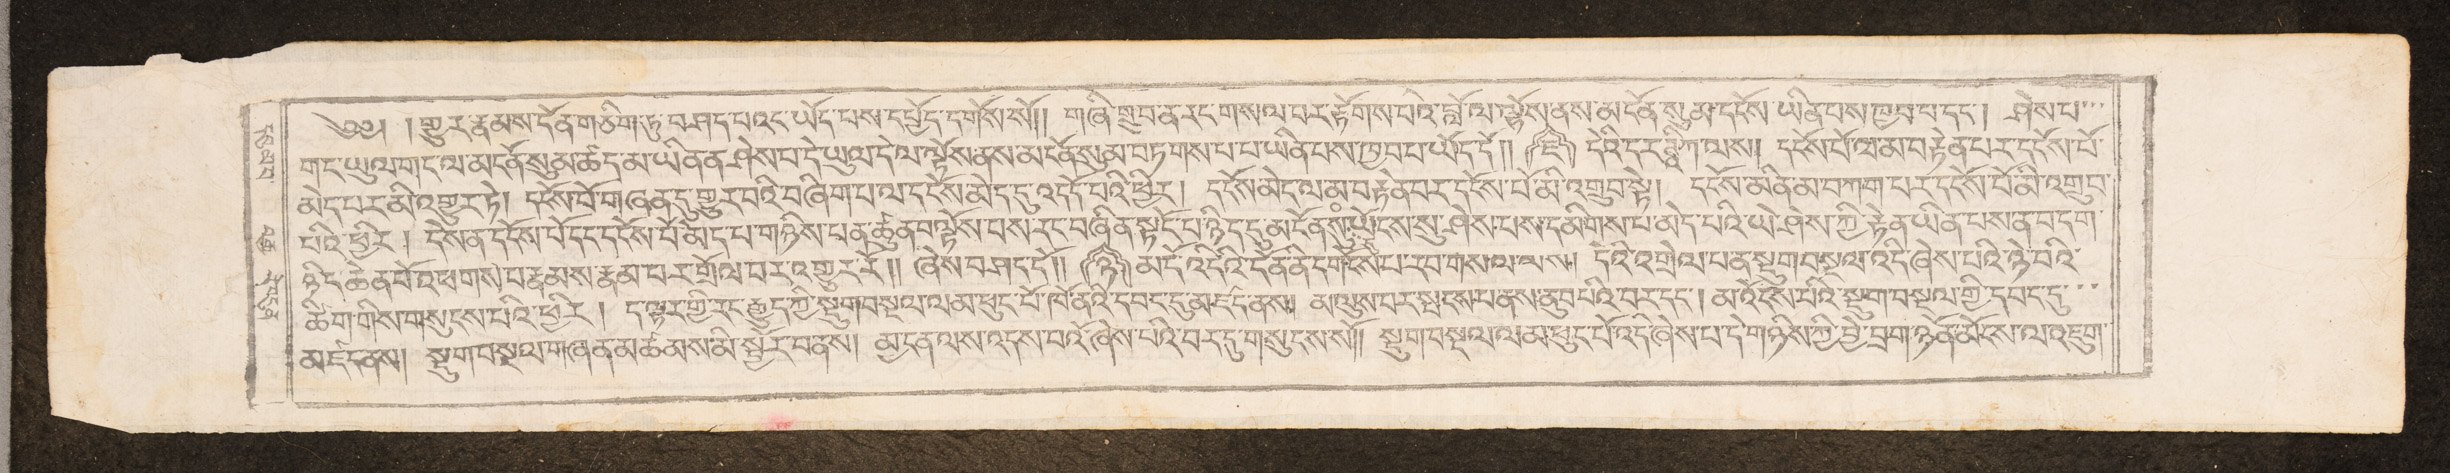༄༅། །གྱུར་རྣམས་དོན་གཅིག་ཏུ་བཤད་པའང་ཡོད་པས་དཔྱོད་དགོས་སོ།། གཞི་གྲུབ་ན་རང་གསལ་བར་རྟོགས་པའི་བློ་ལ་ལྟོས་ནས་མངོན་སུམ་དངོས་ཡིན་པས་ཁྱབ་པ་དང་། ཤེས་པ་
གང་ཡུལ་གང་ལ་མངོན་སུམ་ཚད་མ་ཡིན་ན་ཤེས་པ་དེ་ཡུལ་དེ་ལ་ལྟོས་ནས་མངོན་སུམ་བཏགས་པ་བ་ཡིན་པས་ཁྱབ་པ་ཡོད་དོ།། ༼༽ཇ༼༽ དེའི་དར་ཊཱིཀ་ལས། དངོས་པོ་ལ་མ་བརྟེན་པར་དངོས་པོ་
མེད་པར་མི་འགྱུར་ཏེ། དངོས་པོ་གཞན་དུ་གྱུར་བའི་བཞིག་པ་ལ་དངོས་མེད་དུ་འདོད་པའི་ཕྱིར། དངོས་མེད་ལ་མ་བརྟེན་པར་དངོས་པོ་མི་འགྲུབ་སྟེ། དངོས་མིན་མ་བཀག་པར་དངོས་པོ་མི་འགྲུབ་
པའི་ཕྱིར། དེས་ན་དངོས་པོ་དང་དངོས་པོ་མེད་པ་གཉིས་ཕན་ཚུན་བལྟོས་པས་རང་བཞིན་སྟོང་པ་ཉིད་དུ་མངོན་སུཾ་ཡོངས་སུ་ཤེས་པས་དམིགས་པ་མེད་པའི་ཡེ་ཤེས་ཀྱི་རྟེན་ཡིན་པས་ན་བདག་
ཉིད་ཆེན་པོ་འཕགས་པ་རྣམས་རྣམ་པར་གྲོལ་བར་འགྱུར་རོ།། ཞེས་བཤད་དོ།། ༼༽ང༼༽ མདོ་འདིའི་དོན་ནི་དགོངས་པ་རབ་གསལ་ལས། དེའི་འགྲེལ་པ་ན་སྡུག་བསྔལ་འདི་ཞེས་པའི་ཉེ་བའི་
ཚིག་གིས་གསུངས་པའི་ཕྱིར། ད་ལྟར་གྱི་རང་རྒྱུད་ཀྱི་སྡུག་བསྔལ་ལམ་ཕུང་པོ་ཁོ་ནའི་དབང་དུ་མཛད་ནས། མ་ལུས་པར་སྤངས་པ་ནས་ནུབ་པའི་བར་དང་། མ་འོངས་པའི་སྡུག་བསྔལ་གྱི་དབང་དུ་
མཛད་ནས། སྡུག་བསྔལ་གཞན་མཚམས་མི་སྦྱོར་བ་ནས། མྱ་ངན་ལས་འདས་པའོ་ཞེས་པའི་བར་དུ་གསུངས་སོ།། སྡུག་བསྔལ་ལམ་ཕུང་པོ་འདི་ཞེས་པ་དེ་གཉིས་ཀྱི་བྱེ་བྲག་ཉོན་མོངས་ལ་འཇུག་